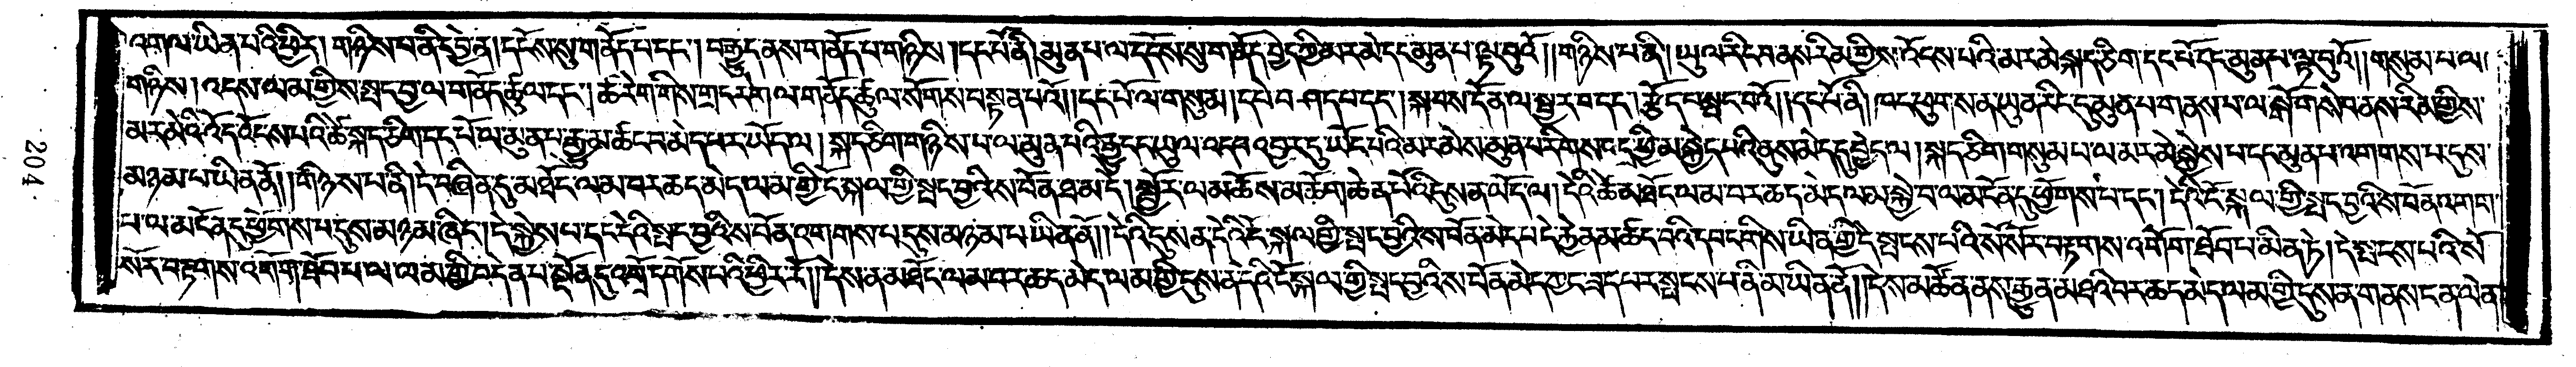འགལ་ཡིན་པའི་ཕྱིར། གཉིས་པ་ནི་དབྱེ་ན། དངོས་སུ་གནོད་པ་དང་། བརྒྱུད་ནས་གནོད་པ་གཉིས། དང་པོ་ནི། མུན་པ་ལ་དངོས་སུ་གནོད་བྱེད་ཀྱི་མར་མེ་དང་མུན་པ་ལྟ་བུའོ། །གཉིས་པ་ནི། ཡུལ་རིང་བ་ནས་རིམ་གྱིས་འོངས་པའི་མར་མེ་སྐད་ཅིག་དང་པོ་དང་མུན་པ་ལྟ་བུའོ། །གསུམ་པ་ལ་
གཉིས། འདས་ལམ་གྱིས་སྤང་བྱ་ལ་གནོད་ཚུལ་དང་། ཚ་རིག་གིས་གྲང་རེག་ལ་གནོད་ཚུལ་སོགས་བསྟན་པའོ། །དང་པོ་ལ་གསུམ། དཔེ་བཤད་པ་དང་། སྐབས་དོན་ལ་སྦྱར་བ་དང་། རྩོད་པ་སྤང་བའོ། །དང་པོ་ནི། ཁང་ཕུགས་ན་ཡུན་རིང་དུ་མུན་པ་གནས་པ་ལ་སྒོ་གསེབ་ནས་རིམ་གྱིས་
མར་མེའི་འོད་འོངས་པའི་ཚེ་སྐད་ཅིག་དང་པོ་ལ་མུན་པ་རྒྱུ་མ་ཚང་བ་མེད་པར་ཡོད་ལ། སྐད་ཅིག་གཉིས་པ་ལ་མུན་པའི་རྒྱུ་དང་ཡུལ་འདབ་འབྱར་དུ་ཡོད་པའི་མར་མེས་མུན་པ་རིགས་འདྲ་ཕྱི་མ་སྐྱེད་པའི་ནུས་མེད་དུ་བྱེད་ལ། སྐད་ཅིག་གསུམ་པ་ལ་མར་མེ་སྐྱེས་པ་དང་མུན་པ་འགགས་པ་དུས་
མཉམ་པ་ཡིན་ནོ། །གཉིས་པ་ནི། དེ་བཞིན་དུ་མཐོང་ལམ་བར་ཆད་མེད་ལམ་གྱི་ངོ་སྐལ་གྱི་སྤང་བྱའི་ས་བོན་ཐ་མ་དེ། སྦྱོར་ལམ་ཆོས་མཆོག་ཆེན་པོའི་དུས་ན་ཡོད་ལ། དེའི་ཚེ་མཐོང་ལམ་བར་ཆད་མེད་ལམ་སྐྱེ་བ་ལ་མངོན་དུ་ཕྱོགས་པ་དང་། དེའི་ངོ་སྐལ་གྱི་སྤང་བྱའི་ས་བོན་འགག་
པ་ལ་མངོན་དུ་ཕྱོགས་པ་དུས་མཉམ་ཞིང་། དེ་སྐྱེས་པ་དང་དེའི་སྤང་བྱའི་ས་བོན་འགགས་པ་དུས་མཉམ་པ་ཡིན་ནོ། །དེའི་དུས་ན་དེའི་ངོ་སྐལ་གྱི་སྤང་བྱའི་ས་བོན་མེད་པ་དེ་རྐྱེན་མ་ཚང་བའི་དབང་གིས་ཡིན་གྱི་དེ་སྤངས་པའི་སོ་སོར་བརྟགས་འགོག་ཐོབ་པ་མིན་ཏེ། དེ་སྤངས་པའི་སོ་
སོར་བརྟགས་འགོག་ཐོབ་པ་ལ་ལམ་གྱི་བདེན་པ་སྔོན་དུ་འགྲོ་དགོས་པའི་ཕྱིར་རོ། །དེས་ན་མཐོང་ལམ་བར་ཆད་མེད་ལམ་གྱི་དུས་ན་དེའི་ངོ་སྐལ་གྱི་སྤང་བྱའི་ས་བོན་མེད་ཀྱང་ཟད་པར་སྤངས་པ་ནི་མ་ཡིན་ནོ། །དེས་མཚོན་ནས་རྒྱུན་མཐའི་བར་ཆད་མེད་ལམ་གྱི་དུས་ན་གནས་ངན་ལེན་